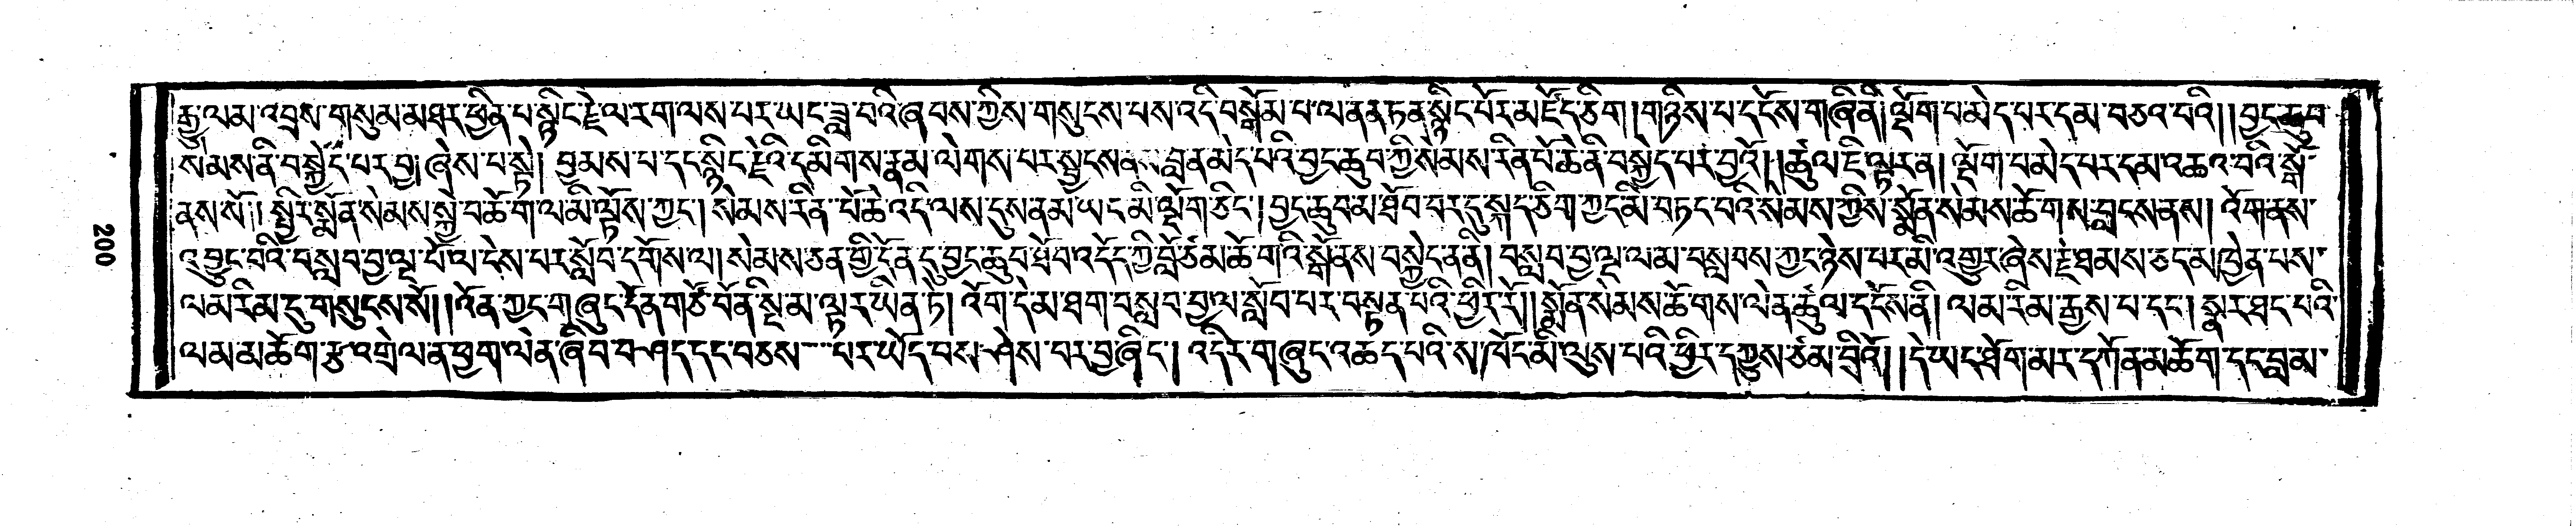རྒྱུ་ལམ་འབྲས་གསུམ་མཐར་ཕྱིན་པ་སྙིང་རྗེ་ལ་རག་ལས་པར་ཡང་ཟླ་བའི་ཞབས་ཀྱིས་གསུངས་པས་འདི་བསྒོམ་པ་ལ་ནན་ཏན་སྙིང་པོར་མཛོད་ཅིག །གཉིས་པ་དངོས་གཞི་ནི། ལྡོག་པ་མེད་པར་དམ་བཅའ་བའི། །བྱང་ཆུབ་
སེམས་ནི་བསྐྱེད་པར་བྱ། ཞེས་པ་སྟེ། བྱམས་པ་དང་སྙིང་རྗེའི་དམིགས་རྣམ་ལེགས་པར་སྦྱངས་ནས་བླ་ན་མེད་པའི་བྱང་ཆུབ་ཀྱི་སེམས་རིན་པོ་ཆེ་ནི་བསྐྱེད་པར་བྱའོ། །ཚུལ་ཇི་ལྟར་ན། ལྡོག་པ་མེད་པར་དམ་འཆའ་བའི་སྒོ་
ནས་སོ། །སྤྱིར་སྨོན་སེམས་སྐྱེ་བ་ཆོ་ག་ལ་མི་ལྟོས་ཀྱང་། སེམས་རིན་པོ་ཆེ་འདི་ལས་དུས་ནམ་ཡང་མི་ལྡོག་ཅིང་། བྱང་ཆུབ་མ་ཐོབ་བར་དུ་སྐད་ཅིག་ཀྱང་མི་བཏང་བའི་སེམས་ཀྱིས་སྨོན་སེམས་ཆོ་གས་བླངས་ནས། འོག་ནས་
འབྱུང་བའི་བསླབ་བྱ་ལྔ་པོ་ལ་ངེས་པར་སློབ་དགོས་ལ། སེམས་ཅན་གྱི་དོན་དུ་བྱང་ཆུབ་ཐོབ་འདོད་ཀྱི་བློ་ཙམ་ཆོ་གའི་སྒོ་ནས་བསྐྱེད་ན་ནི། བསླབ་བྱ་ལྔ་ལ་མ་བསླབས་ཀྱང་ཉེས་པར་མི་འགྱུར་ཞེས་རྗེ་ཐམས་ཅད་མཁྱེན་པས་
ལམ་རིམ་དུ་གསུངས་སོ། །འོན་ཀྱང་གཞུང་དོན་གཙོ་བོ་ནི་སྔ་མ་ལྟར་ཡིན་ཏེ། འོག་དེ་མ་ཐག་བསླབ་བྱ་ལ་སློབ་པར་བསྟན་པའི་ཕྱིར་རོ། །སྨོན་སེམས་ཆོ་གས་ལེན་ཚུལ་དངོས་ནི། ལམ་རིམ་རྒྱས་པ་དང་། སྣར་ཐང་པའི་
ལམ་མཆོག་རྩ་འགྲེལ་ན་ཕྱག་ལེན་ཞིབ་བཤད་དང་བཅས་པར་ཡོད་པས་ཤེས་པར་བྱ་ཞིང་། འདིར་གཞུང་འཆད་པའི་ས་ཁོང་མི་ལུས་པའི་ཕྱིར་དཀྱུས་ཙམ་བྲིའོ། །དེ་ཡང་ཐོག་མར་དཀོན་མཆོག་དང་བླ་མ་